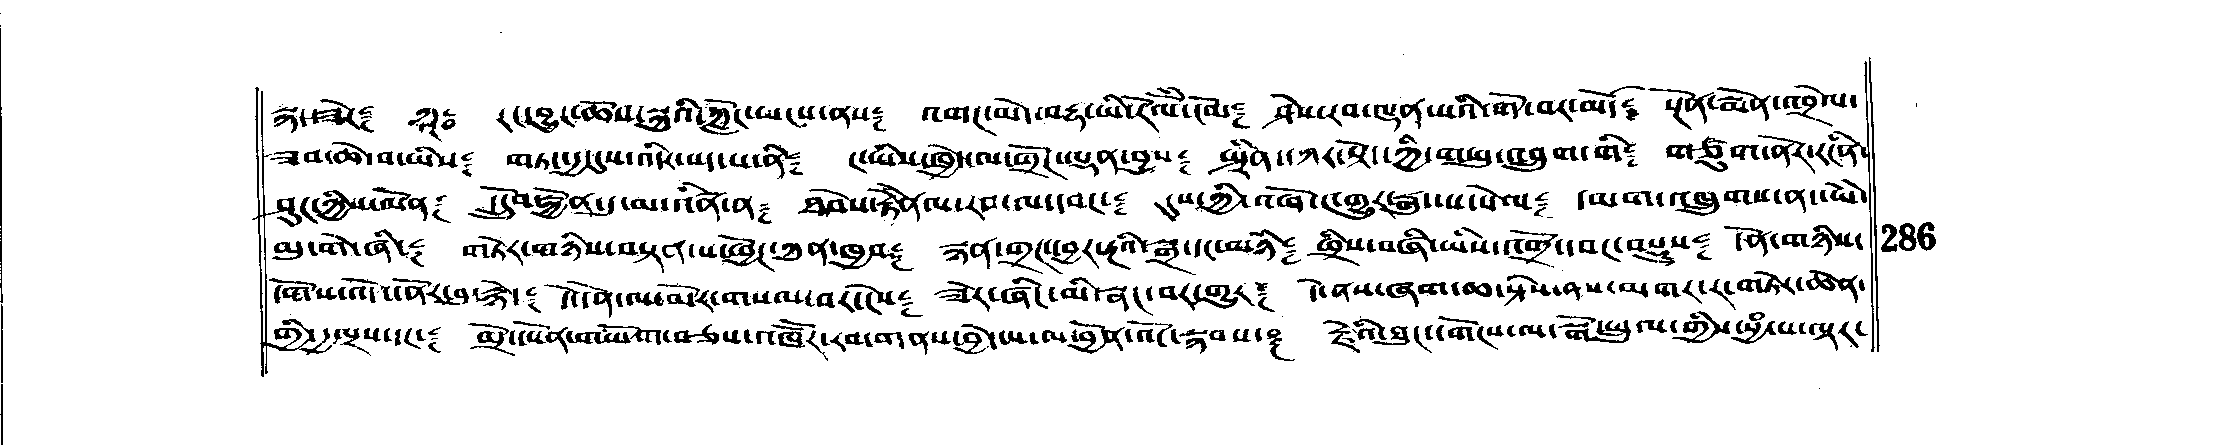སྐད་ཟེར། རང་བྱུང་ཆོས་སྐུའི་ཀློང་ཡངས་ནས། །འགགས་མེད་བརྡ་ཡི་རོལ་མོ་ངོམ། །ཤེས་རབ་ལྡན་པའི་གོ་བར་མཛོད། །སྔོན་སྨོན་འབྲེལ་
ཟབ་ཆེ་བ་ཡིས། །གཏད་རྒྱ་དུས་འདིར་སད་པ་ནི། །ང་ཡིས་ཁྱེད་ལ་གྲོགས་ལྡན་བྱས། །སྤྲིན་དཀར་སྟོད་ཀྱི་གཡུ་འབྲུག་གི། །གཙུག་ནོར་རང་བཞིན་
ཤུགས་ཀྱིས་ལོན། །དངོས་གྲུབ་སྐྱོན་དུ་མ་འཛིན་ན། །ཐབས་ཤེས་རྟེན་འབྲེལ་རབ་ལ་དབང་། །དུས་ཀྱི་འཕོ་འགྱུར་རྒུད་པ་སེལ། །དམག་འཁྲུགས་ནད་ཡམས་
མུ་གེ་ཞི། །གཏེར་གཉིས་བསྟན་པ་ཕྱོགས་ཀུན་ཁྱབ། །སྙན་གྲགས་བྱར་རྔའི་སྒྲ་དང་མཉམ། །ཕྲིན་ལས་བཞི་ཡིས་འགྲོ་དབང་བསྡུས། །དོན་གཉིས་
དགོས་འདོད་ནོར་བུ་རྙེད། །དེ་དོན་ལ་མོར་གསལ་བར་ངེས། །ཟེར་ཞིང་མི་སྣང་བར་གྱུར།དེ་ནས་ཞག་ཆ་ཤས་ནས་མགར་ར་གཏེར་ཆེན་
གྱི་རྒྱལ་སྲས་དང་། མཁའ་འགྲོ་དཔོན་གཡོག་བཅས་འཁོར་ལོ་རབ་གནས་བྱེད་པ་ལ་བྱོན་འོང་སྐབས། རྗེའི་ཐུགས་དགོངས་ལ་སྒོ་སྤྲུལ་གྱིས་གསུངས་པ་ལྟར།